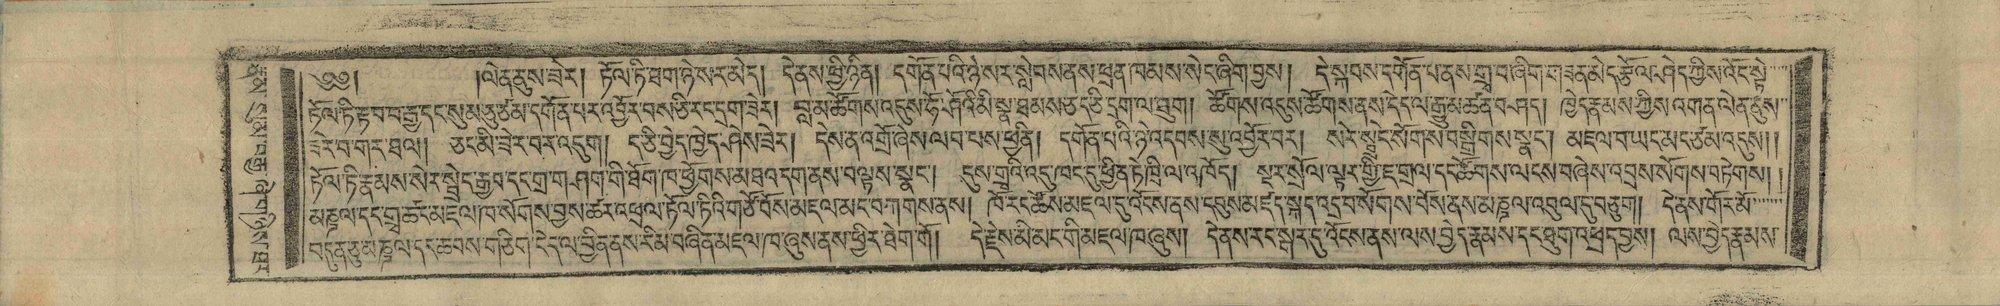༄༅། །ལེན་ནུས་ཟེར། ཏོལ་ཏི་ཐག་ཉེ་སར་མེད། དེ་ནས་ཕྱི་ཉིན། དགོན་པའི་ཉེ་སར་སླེབས་ནས་ཕྲན་ཁམས་སེང་ཞིག་བྱས། དེ་སྐབས་དགོན་པ་ནས་གྲྭ་བ་ཞིག་གཟན་མེད་རྩོལ་ཤེད་ཀྱིས་འོང་སྟེ་
ཏོལ་ཏི་རྟ་བ་བརྒྱ་དང་སུམ་ཅུ་ཙམ་དགོན་པར་འབྱོར་བས་ཅི་རང་དྲག་ཟེར། བླ་མ་ཚོགས་འདུས་ཧོ་ཤོའི་མི་སྣ་ཐམས་ཅད་ཅི་དྲག་ལ་ཐུག །ཚོགས་འདུས་ཚོགས་ནས་དེད་ལ་རྒྱུ་མཚན་བཤད། ཁྱེད་རྣམས་ཀྱིས་འགན་ལེན་ནུས་
ཟེར་བ་གར་ཐལ། ཅང་མི་ཟེར་བར་འདུག །ད་ཅི་བྱེད་ཁྱེད་ཤེས་ཟེར། དེས་ན་འགྲོ་ཞེས་ལབ་པས་ཕྱིན། དགོན་པའི་ཉེ་འདབས་སུ་འབྱོར་བར། སེར་སྦྲེང་སོགས་བསྒྲིགས་སྣང་། མཇལ་བ་ཡང་མང་ཙམ་འདུས། །
ཏོལ་ཏི་རྣམས་སེར་སྦྲེང་རྒྱབ་དང་གྲ་གཤག་གི་ཐོག་ཁ་ཕྱོགས་མཐའ་དག་ནས་བལྟས་སྣང་། དུས་གྲྭའི་འདུ་ཁང་དུ་ཕྱིན་ཏེ་ཁྲི་ལ་འཁོད། སྔར་སྲོལ་ལྟར་གྱི་ཇ་གྲལ་དང་ཚོགས་ལངས་བཞེས་འབྲས་སོགས་བཏེགས། །
མཎྜལ་དང་གྲྭ་ཚང་མཇལ་ཁ་སོགས་བྱས་ཚར་འཕྲལ་ཏོལ་ཏིའི་གཙོ་བོས་མཇལ་མང་བཀགས་ནས། ཁོ་རང་ཚོས་མཇལ་དུ་འོངས་ནས་དབུས་མཛད་སྐད་འདྲ་བ་སོགས་བོས་ནས་མཎྜལ་འབུལ་དུ་བཅུག །དེ་ནས་གོར་མོ་
བདུན་ཅུ་མཎྜལ་དང་ཆབས་གཅིག་ངེད་ལ་བྱིན་ནས་རིམ་བཞིན་མཇལ་ཁ་ཞུས་ནས་ཕྱིར་ཐེག་གོ །དེ་རྗེས་མི་མང་གི་མཇལ་ཁ་ཞུས། དེ་ནས་རང་སྒར་དུ་འོངས་ནས་ལས་བྱེད་རྣམས་དང་ཐུག་འཕྲད་བྱས། ལས་བྱེད་རྣམས་